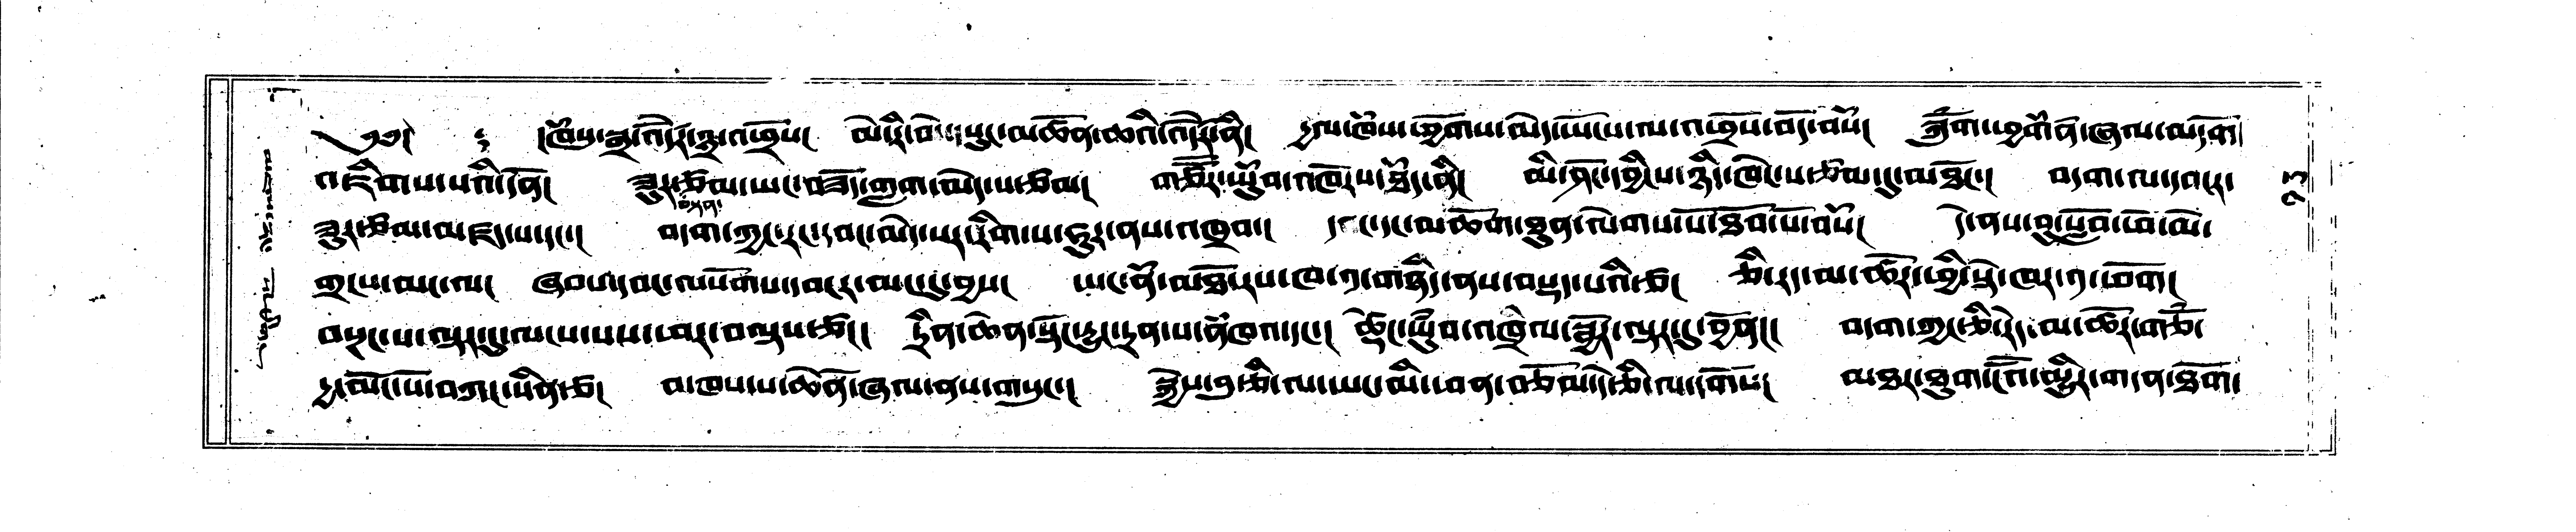ཁམས་གསུམ་སྒྲ་འོད་ཟེར་གསུམ་འཕྲོས། མེ་རི་མེ་དཔུང་མཚོན་ཆའི་འོད་ཟེར་ནི། རྒྱལ་ཁམས་ཕྱོགས་མེད་ཡོངས་ལ་འཕྲོས་བདོ་བསམ། སྐུ་མདོག་ཕྱག་མཚན་ཞལ་མདོག་
འཇིགས་པའི་དོན། ཟུར་བསྟན་ཙམ་ཡང་བཟོད་གླག་མེད་པ་ཙམ། གཙོ་བོར་ཡབ་ཡུམ་འཁོར་འདས་ཐམས་ཅད་ནི། མི་ཤོང་དབྱིངས་ཉིད་ཁེངས་པ་ཙམ་དུ་མཐོང་། བདག་ལ་དབང་བསྐུར་
ཟུར་ཙམ་མཛད་པ་དང་། བདག་ཀྱང་རང་དབང་མེད་པར་རིག་པ་ཧུར་ནས་འཁྲབ། དབང་དང་མཆོག་ཐུན་ལེགས་སོ་ཐོབ་པོ་བསམ། དེ་ནས་བུ་སློབ་ཕོ་མོ་
གྲངས་མང་ལ། ཞབས་དབང་ལ་སོགས་དབང་བསྐུར་མང་དུ་བྱས། ཡང་ནམ་མཐོ་རས་ཁ་༼ཐོ་རེངས་ཁར༽གཅིག་གཉིད་ནས་བསྡད་པའི་ཙ། ཅི་རེད་མ་ཚོར་ཕྱི་སྡེ་ཁར་གཅིག་ཕོག 
བསྔངས་པ་ལྟར་དུ་ལངས་པས་ཕར་བལྟས་ཙ། དྲིན་ཆེན་སྟོང་རྒྱུང་དྲན་པ་ནམ་མཁའ་དང་། ཚེ་དབང་ཡབ་ཡུམ་འཁྲིལ་སྦྱོར་ལྟར་དུ་བྱོན། བདག་ཀྱང་ཅི་རེད་མ་ཚོར་གཅོམ་
རྒྱ་མོང་པོ་བཀང་སིན་ཙ། མཁས་པ་ཆེན་པོ་ཞལ་ནས་གསུང་། སྐྱེས་བུ་ཅི་ལ་ཡང་མི་ཕན་བཅོམ་དེ་ཅི་ལ་དགོས། མཐར་ཐུག་ངོ་བོ་མི་འགྱུར་གདན་ཐོག་